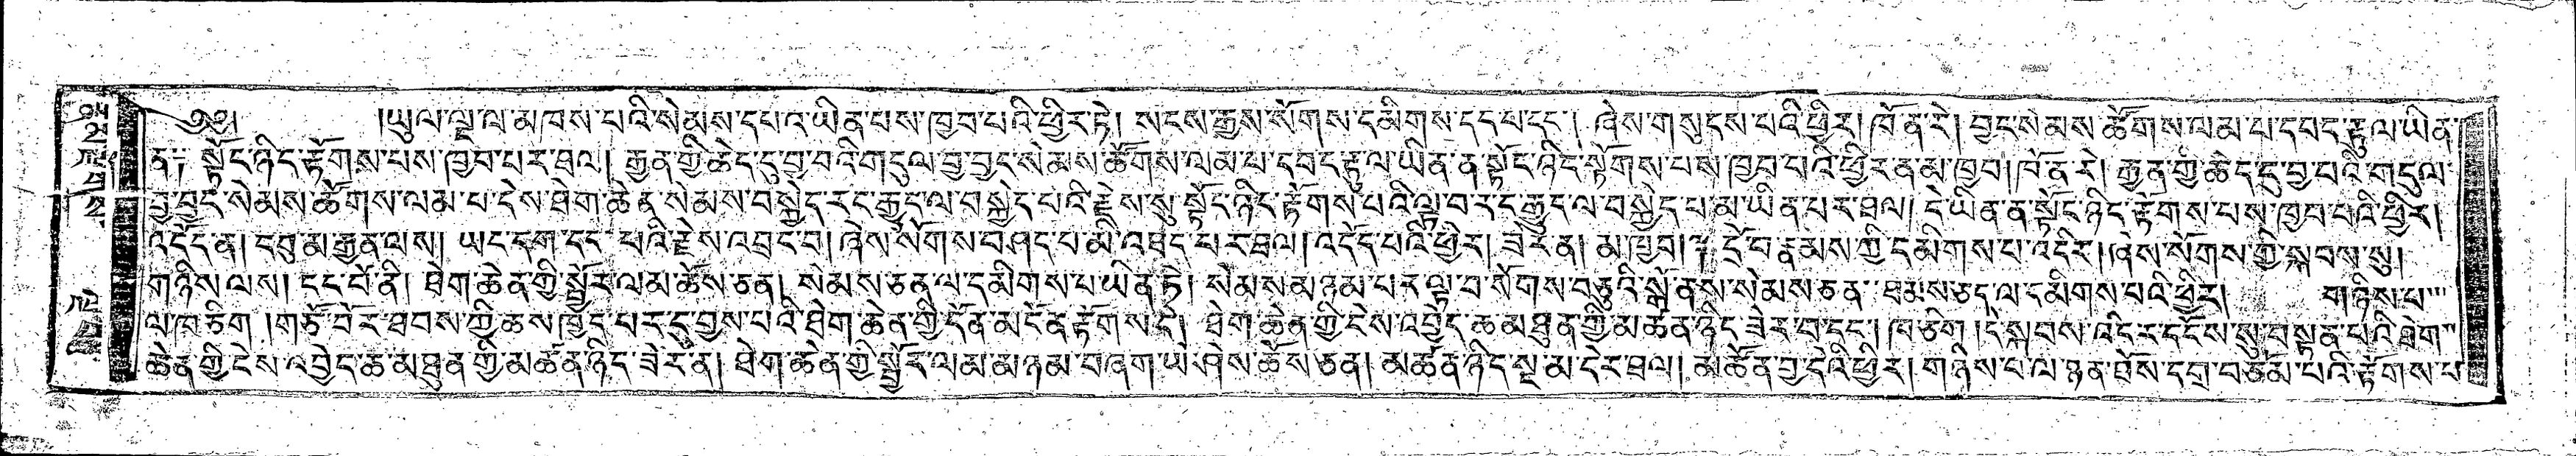༄༅། །ཡུལ་ལྔ་ལ་མཁས་པའི་སེམས་དཔའ་ཡིན་པས་ཁྱབ་པའི་ཕྱིར་ཏེ། སངས་རྒྱས་སོགས་དམིགས་དད་པ་དང་། ཞེས་གསུངས་པའི་ཕྱིར། ཁོ་ན་རེ། བྱང་སེམས་ཚོགས་ལམ་པ་དབང་རྟུལ་ཡིན་
ན༑ སྟོང་ཉིད་རྟོགས་པས་ཁྱབ་པར་ཐལ། རྒྱན་གྱི་ཆེད་དུ་བྱ་བའི་གདུལ་བྱ་བྱང་སེམས་ཚོགས་ལམ་པ་དབང་རྟུལ་ཡིན་ན་སྟོང་ཉིད་སྟོགས་པས་ཁྱབ་པའི་ཕྱིར་ན་མ་ཁྱབ། ཁོ་ན་རེ། རྒྱན་གྱི་ཆེད་དུ་བྱ་བའི་གདུལ་
བྱ་བྱང་སེམས་ཚོགས་ལམ་པ་དེས་ཐེག་ཆེན་སེམས་བསྐྱེད་རང་རྒྱུད་ལ་བསྐྱེད་པའི་རྗེས་སུ་སྟོང་ཉིད་རྟོགས་པའི་ལྟ་བ་རང་རྒྱུད་ལ་བསྐྱེད་པ་མ་ཡིན་པར་ཐལ། དེ་ཡིན་ན་སྟོང་ཉིད་རྟོགས་པས་ཁྱབ་པའི་ཕྱིར།
འདོད་ན། དབུ་མ་རྒྱན་ལས། ཡང་དག་དད་པའི་རྗེས་འབྲང་བ། ཞེས་སོགས་བཤད་པ་མི་འ་འཐད་པར་ཐལ། འདོད་པའི་ཕྱིར། ཟེར་ན། མ་ཁྱབ། ༈ དྲོ་བ་རྣམས་ཀྱི་དམིགས་པ་འདིར། ཞེས་སོགས་ཀྱི་སྐབས་སུ།
གཉིས་ལས། དང་པོ་ནི། ཐེག་ཆེན་གྱི་སྦྱོར་ལམ་ཆོས་ཅན། སེམས་ཅན་ལ་དམིགས་པ་ཡིན་ཏེ། སེམས་མཉམ་པར་ལྟ་བ་སོགས་བཅུའི་སྒོ་ནས་སེམས་ཅན་ཐམས་ཅད་ལ་དམིགས་པའི་ཕྱིར། གཉིས་པ་
ལ་ཁ་ཅིག །གཙོ་བོར་ཐབས་ཀྱི་ཆོས་ཁྱད་པར་དུ་བྱས་པའི་ཐེག་ཆེན་གྱི་དོན་མངོན་རྟོགས་དེ། ཐེག་ཆེན་གྱི་ངེས་འབྱེད་ཆ་མཐུན་གྱི་མཚན་ཉིད་ཟེར་བ་དང་། ཁ་ཅིག །དེ་སྐབས་འདིར་དངོས་སུ་བསྟན་པའི་ཐེག་
ཆེན་གྱི་ངེས་འབྱེད་ཆ་མཐུན་གྱི་མཚན་ཉིད་ཟེར་ན། ཐེག་ཆེན་གྱི་སྦྱོར་ལམ་མཉམ་བཞག་ཡེ་ཤེས་ཆོས་ཅན། མཚན་ཉིད་སྔ་མ་དེར་ཐལ། མཚོན་བྱ་དེའི་ཕྱིར། གཉིས་པ་ལ་ཉན་ཐོས་དགྲ་བཅོམ་པའི་རྟོགས་པ་